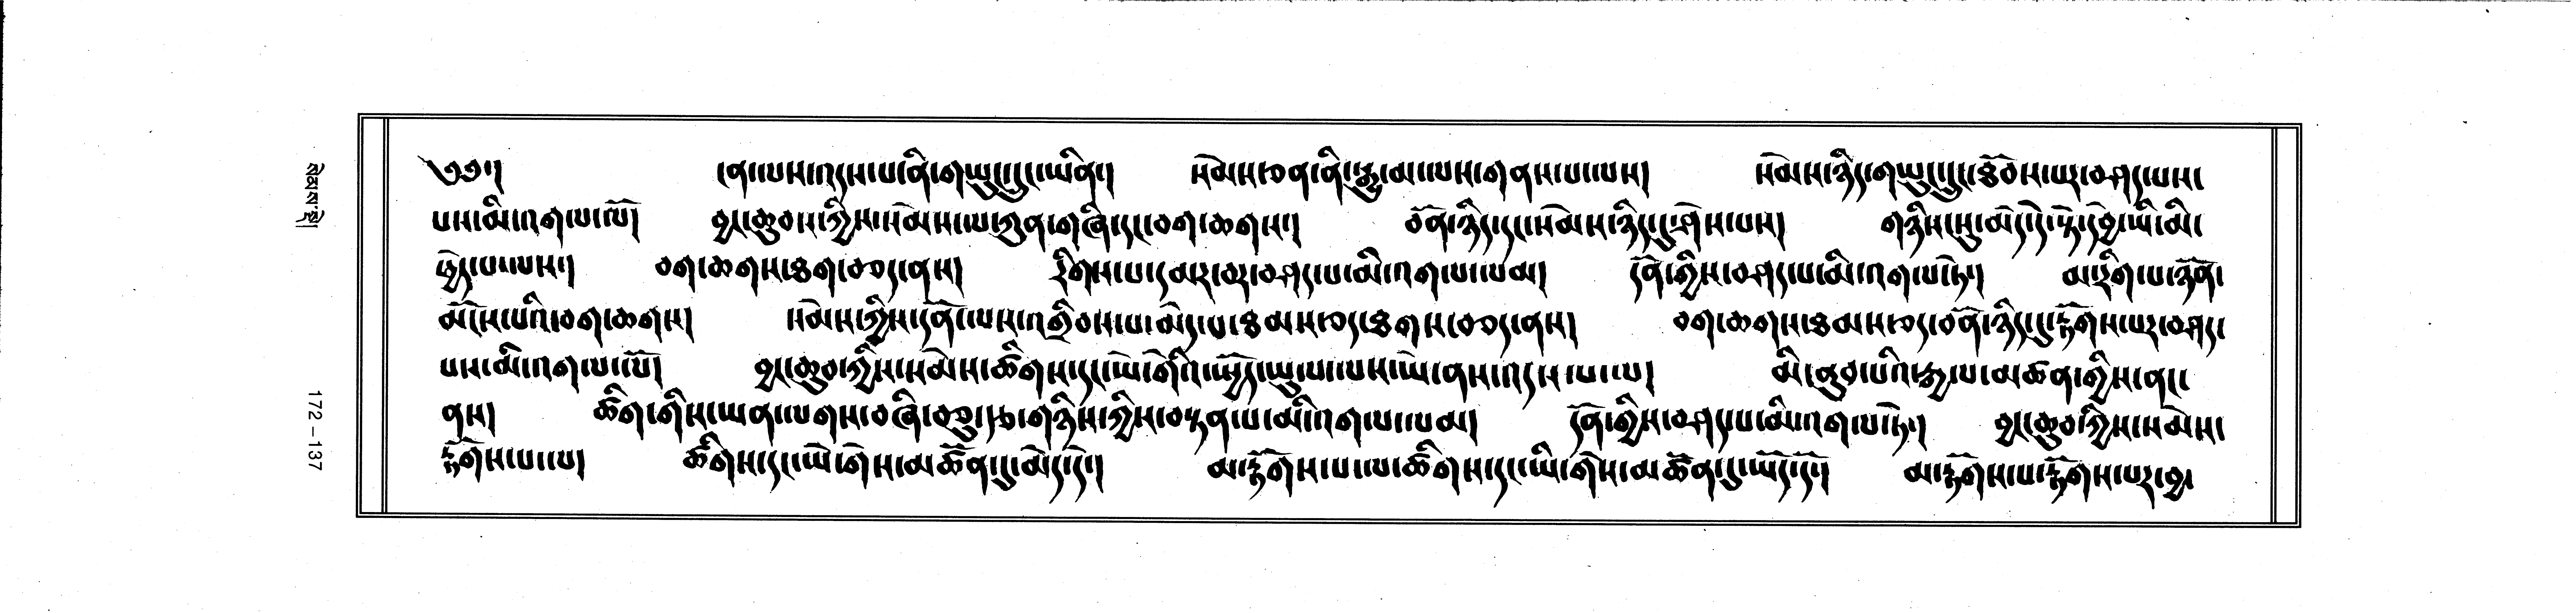ངན་ལས་འདས་པ་ནི་གཡུང་དྲུང་ཡིན། སེམས་ཅན་ནི་སྒྱུ་མ་ལས་གནས་པ་ལས། སེམས་ཉིད་གཡུང་དྲུང་ཐོབས་པར་བཤད་པས་
མི་འགལ་ལོ། བྱང་ཆུབ་ཀྱིས་སེམས་ལ་ཀུན་གཞི་དང་བག་ཆགས། བོན་ཉིད་དང་སེམས་ཉིད་དུ་ཤེས་པས། གཉིས་སུ་མེད་སྟེ་དབྱེ་ཡི་མི་
ཕྱེད་པ་ལས། བག་ཆགས་ཐག་བཅད་ནས། རིགས་པ་དམར་བར་བཤད་པ་མི་འགལ་ལམ། དོན་གྱིས་བཤད་པ་མི་འགལ་ཏེ། མ་རིག་པ་ཉོན་
མོངས་པའི་བག་ཆགས། སེམས་ཀྱི་དོན་ལས་འགྲིབས་པ་མེད་པ་ཐམས་ཅད་ཐགས་བཅད་ནས། བག་ཆགས་ཐམས་ཅད་བོན་ཉིད་དུ་རྟོགས་པར་བཤད་
པས་མི་འགལ་ལོ། བྱང་ཆུབ་ཀྱིས་སེམས་ཚིགས་དང་ཡེ་གེའི་སྤྱོད་ཡུལ་ལས་ཡེ་ནས་འདས་པ་ལ། མི་ནུབ་པའི་རྒྱལ་མཚན་གྱིས་ནང་
ནས། ཚིག་གིས་ཡན་ལགས་བཞི་བཅུ་རྩ་གཉིས་ཀྱིས་བསྟན་པ་མི་འགལ་ལམ། དོན་གྱིས་བཤད་པ་མི་འགལ་ཏེ། བྱང་ཆུབ་ཀྱིས་སེམས་
རྟོགས་པ་ལ། ཚིགས་དང་ཡེ་གེས་མཚོན་དུ་མེད་དེ། མ་རྟོགས་པ་ལ་ཚིགས་དང་ཡི་གེས་མཚོན་དུ་ཡོད་དོ། མ་རྟོགས་པ་རྟོགས་པར་བྱ་